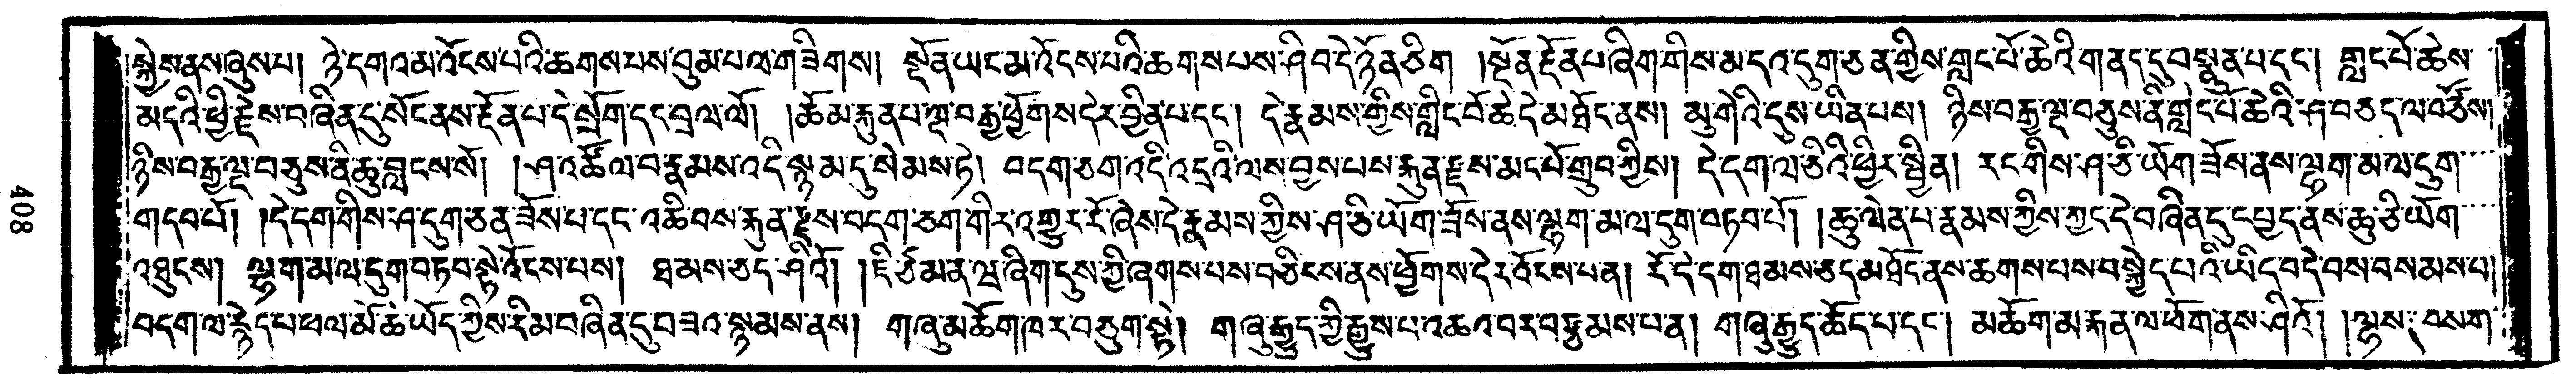སྐྱེས་ནས་ཞུས་པ། ཉེ་དགའ་མ་འོངས་པའི་ཆགས་པས་བུམ་པ་ལ་གཟིགས། སྔོན་ཡང་མ་འོངས་པའི་ཆགས་པས་ཤི་བ་དེ་ཉོན་ཅིག །སྔོན་རྡོན་པ་ཞིག་གིས་མདའ་དུག་ཅན་གྱིས་གླང་པོ་ཆེའི་གནད་དུ་བསྣུན་པ་དང་། གླང་པོ་ཆེས་
མདའི་ཕྱི་རྗེས་བཞིན་དུ་སོང་ནས་རྡོན་པ་དེ་སྲོག་དང་བྲལ་ལོ། །ཆོམ་རྐུན་པ་ལྔ་བརྒྱ་ཕྱོགས་དེར་བྱིན་པ་དང་། དེ་རྣམས་གྱིས་གླིང་བོ་ཆེ་དེ་མཐོང་ནས། མུ་གེའི་དུས་ཡིན་པས། ཉིས་བརྒྱ་ལྔ་བཅུས་ནི་གླེང་པོ་ཆེའི་ཤ་བཅད་ལ་བཙོས།
ཉིས་བརྒྱ་ལྔ་བཅུས་ནི་ཆུ་བླངས་སོ། །ཤ་འཚོལ་བ་རྣམས་འདི་སྙམ་དུ་སེམས་ཏེ། བདག་ཅག་འདི་འདྲའི་ལས་བྱས་པས་རྐུན་རྫས་མང་པོ་གྲུབ་ཀྱིས། དེ་དག་ལ་ཅིའི་ཕྱིར་སྦྱིན། རང་གིས་ཤ་ཅི་ཡོག་ཟོས་ནས་ལྷག་མ་ལ་དུག་
གདབ་པོ། །དེ་དག་གིས་ཤ་དུག་ཅན་ཟོས་པ་དང་འཆི་བས་རྐུན་རྫས་བདག་ཅག་གིར་འགྱུར་རོ་ཞེས་དེ་རྣམས་ཀྱིས་ཤ་ཅི་ཡོག་ཟོས་ནས་ལྷག་མ་ལ་དུག་བཏབ་པོ། །ཆུ་ལེན་པ་རྣམས་ཀྱིས་ཀྱང་དེ་བཞིན་དུ་དཔྱད་ནས་ཆུ་ཅི་ཡོག་
འཐུངས། ལྷག་མ་ལ་དུག་བཏབ་སྟེ་འོངས་པས། ཐམས་ཅད་ཤིའོ། །ཇི་ཙམ་ཝ་ཞིག་དུས་ཀྱི་ཞགས་པས་བཅིངས་ནས་ཕྱོགས་དེར་འོངས་པ་ན། རོ་དེ་དག་ཐམས་ཅད་མཐོང་ནས་ཆགས་པས་བསྐྱེད་པའི་ཡིད་བདེ་བས་བསམས་པ།
བདག་ལ་རྙེད་པ་ཕལ་མོ་ཆེ་ཡོད་ཀྱིས་རིམ་བཞིན་དུ་བཟའ་སྙམས་ནས། གཞུ་མཆོག་ཁར་བཅུག་སྟེ། གཞུ་རྒྱུད་ཀྱི་རྒྱུས་པ་འཆའ་བར་བརྩམས་པ་ན། གཞུ་རྒྱུད་ཆོད་པ་དང་། མཆོག་མ་རྐན་ལ་ཕོག་ནས་ཤིའོ། །ལྷས༑ བསག་